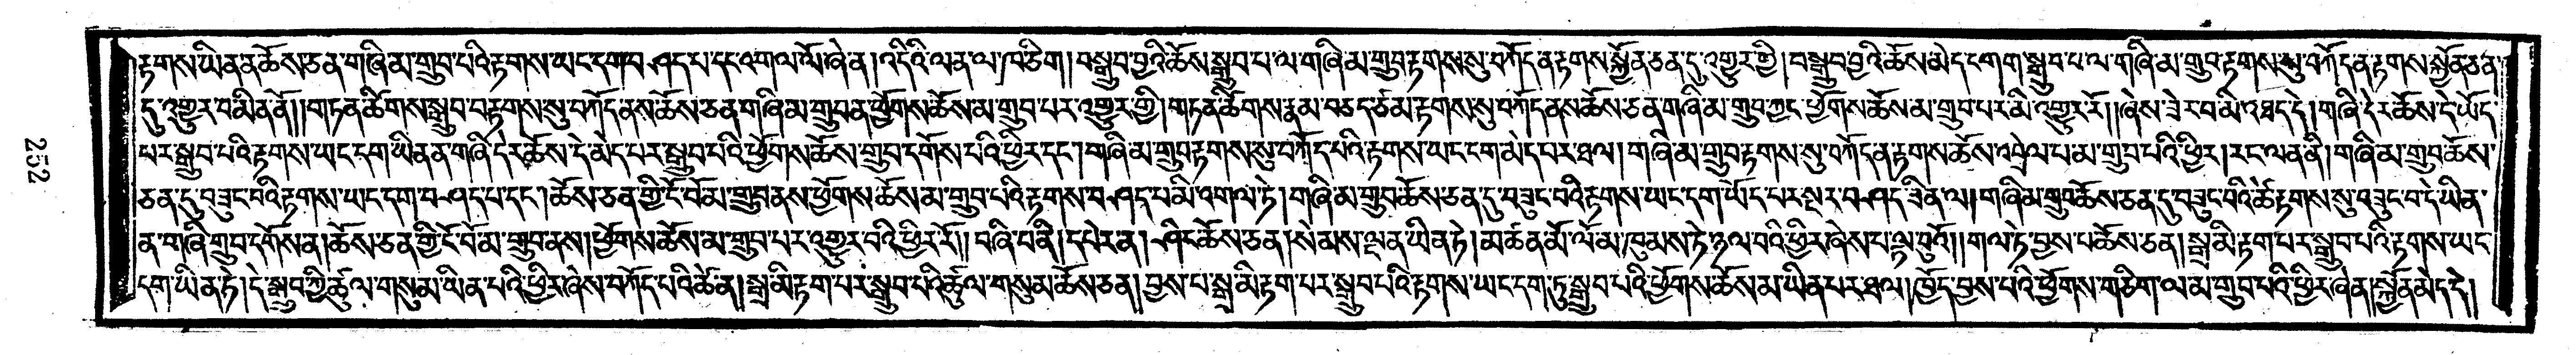རྟགས་ཡིན་ན་ཆོས་ཅན་གཞི་མ་གྲུབ་པའི་རྟགས་ཡང་དག་བཤད་པ་དང་འགལ་ལོ་ཞེ་ན། འདིའི་ལན་ལ་ཁ་ཅིག །བསྒྲུབ་བྱའི་ཆོས་སྒྲུབ་པ་ལ་གཞི་མ་གྲུབ་རྟགས་སུ་བཀོད་ན་རྟགས་སྐྱོན་ཅན་དུ་འགྱུར་གྱི། བསྒྲུབ་བྱའི་ཆོས་མེད་དགག་སྒྲུབ་པ་ལ་གཞི་མ་གྲུབ་རྟགས་སུ་བཀོད་ན་རྟགས་སྐྱོན་ཅན་
དུ་འགྱུར་བ་མིན་ནོ། །གཏན་ཚིགས་སྒྲུབ་པ་རྟགས་སུ་བཀོད་ནས་ཆོས་ཅན་གཞི་མ་གྲུབ་ན་ཕྱོགས་ཆོས་མ་གྲུབ་པར་འགྱུར་གྱི། གཏན་ཚིགས་རྣམ་བཅད་ཙམ་རྟགས་སུ་བཀོད་ནས་ཆོས་ཅན་གཞི་མ་གྲུབ་ཀྱང་ཕྱོགས་ཆོས་མ་གྲུབ་པར་མི་འགྱུར་རོ། །ཞེས་ཟེར་བ་མི་འཐད་དེ། གཞི་དེར་ཆོས་དེ་ཡོད་
པར་སྒྲུབ་པའི་རྟགས་ཡང་དག་ཡིན་ན་གཞི་དེར་ཆོས་དེ་མེད་པར་སྒྲུབ་པའི་ཕྱོགས་ཆོས་གྲུབ་དགོས་པའི་ཕྱིར་དང་། གཞི་མ་གྲུབ་རྟགས་སུ་བཀོད་པའི་རྟགས་ཡང་དག་མེད་པར་ཐལ། གཞི་མ་གྲུབ་རྟགས་སུ་བཀོད་ན་རྟགས་ཆོས་འབྲེལ་བ་མ་གྲུབ་པའི་ཕྱིར། རང་ལན་ནི། གཞི་མ་གྲུབ་ཆོས་
ཅན་དུ་བཟུང་བའི་རྟགས་ཡང་དག་བཤད་པ་དང་། ཆོས་ཅན་གྱི་ངོ་བོ་མ་གྲུབ་ནས་ཕྱོགས་ཆོས་མ་གྲུབ་པའི་རྟགས་བཤད་པ་མི་འགལ་ཏེ། གཞི་མ་གྲུབ་ཆོས་ཅན་དུ་བཟུང་བའི་རྟགས་ཡང་དག་ཡོད་པར་སྔར་བཤད་ཟིན་ལ། གཞི་མ་གྲུབ་ཆོས་ཅན་དུ་བཟུང་བའི་ཚེ་རྟགས་སུ་བཟུང་བ་དེ་ཡིན་
ན་གཞི་གྲུབ་དགོས་ན། ཆོས་ཅན་གྱི་ངོ་བོ་མ་གྲུབ་ནས། ཕྱོགས་ཆོས་མ་གྲུབ་པར་འགྱུར་བའི་ཕྱིར་རོ། །བཞི་པ་ནི། དཔེར་ན། ཤིང་ཆོས་ཅན། སེམས་ལྡན་ཡིན་ཏེ། མཚན་མོ་ལོ་མ་ཁུམས་ཏེ་ཉལ་བའི་ཕྱིར་ཞེས་པ་ལྟ་བུའོ། །གལ་ཏེ་བྱས་པ་ཆོས་ཅན། སྒྲ་མི་རྟག་པར་སྒྲུབ་པའི་རྟགས་ཡང་
དག་ཡིན་ཏེ། དེ་སྒྲུབ་ཀྱི་ཚུལ་གསུམ་ཡིན་པའི་ཕྱིར་ཞེས་བཀོད་པའི་ཚེ་ན། སྒྲ་མི་རྟག་པར་སྒྲུབ་པའི་ཚུལ་གསུམ་ཆོས་ཅན། བྱས་པ་སྒྲ་མི་རྟག་པར་སྒྲུབ་པའི་རྟགས་ཡང་དག་ཏུ་སྒྲུབ་པའི་ཕྱོགས་ཆོས་མ་ཡིན་པར་ཐལ། ཁྱོད་བྱས་པའི་ཕྱོགས་གཅིག་ལ་མ་གྲུབ་པའི་ཕྱིར་ཞེ་ན། སྐྱོན་མེད་དེ།